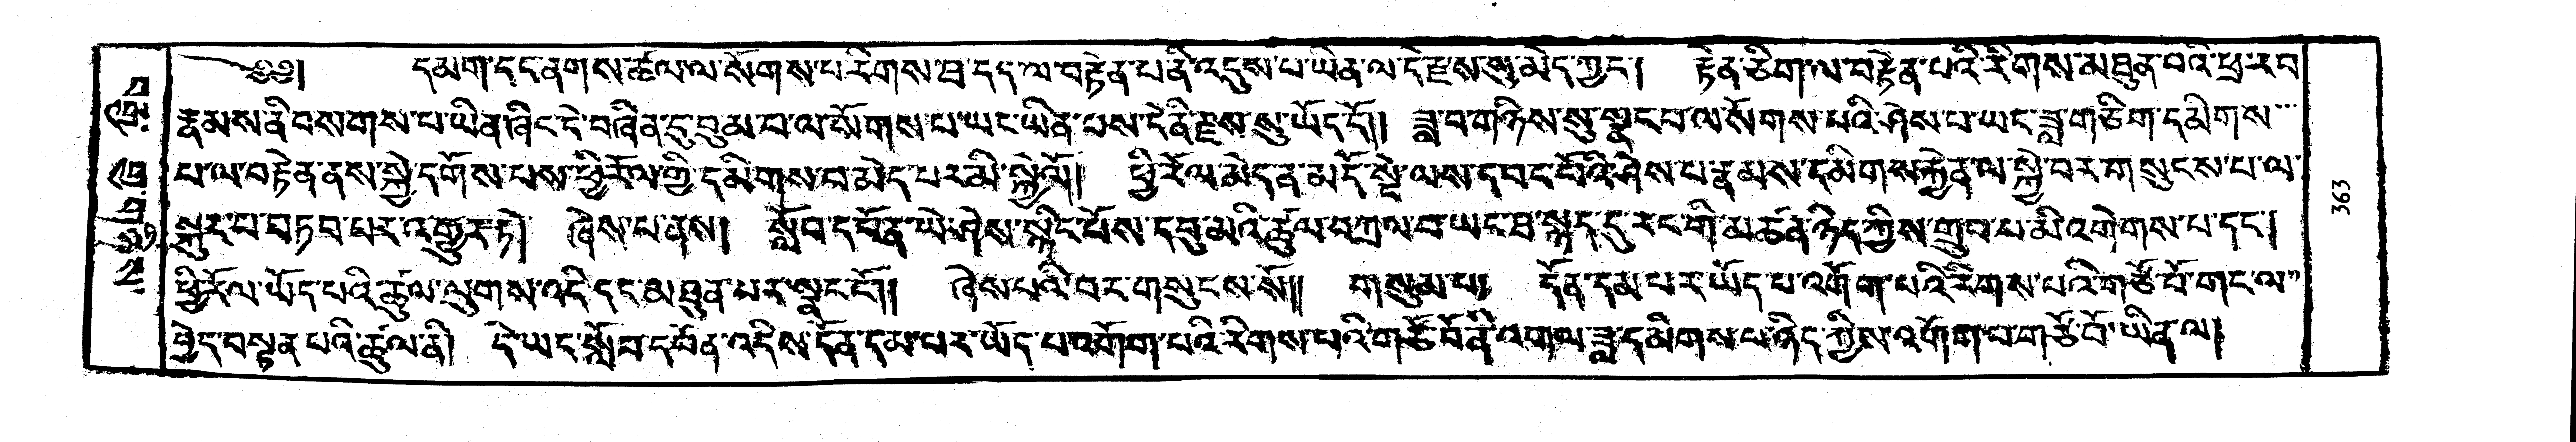༄༅། །དམག་དང་ནགས་ཚལ་ལ་སོགས་པ་རིགས་ཐ་དད་ལ་བརྟེན་པ་ནི་འདུས་པ་ཡིན་ལ་དེ་རྫས་སུ་མེད་ཀྱང་། རྟེན་ཅིག་ལ་བརྟེན་པའི་རིགས་མཐུན་པའི་ཕྲ་རབ་
རྣམས་ནི་བསགས་པ་ཡིན་ཞིང་དེ་བཞིན་དུ་བུམ་པ་ལ་སོགས་པ་ཡང་ཡིན་པས་དེ་ནི་རྫས་སུ་ཡོད་དོ། །ཟླ་བ་གཉིས་སུ་སྣང་བ་ལ་སོགས་པའི་ཤེས་པ་ཡང་ཟླ་གཅིག་དམིགས་
པ་ལ་བརྟེན་ནས་སྐྱེ་དགོས་པས་ཕྱི་རོལ་གྱི་དམིགས་པ་མེད་པར་མི་སྐྱེའོ། །ཕྱི་རོལ་མེད་ན་མདོ་སྡེ་ལས་དབང་པོའི་ཤེས་པ་རྣམས་དམིགས་རྐྱེན་ལ་སྐྱེ་བར་གསུངས་པ་ལ་
སྐུར་པ་བཏབ་པར་འགྱུར་ཏེ། ཞེས་པ་ནས། སློབ་དཔོན་ཡེ་ཤེས་སྙིང་པོས་དབུ་མའི་ཚུལ་བཀྲལ་བ་ཡང་ཐ་སྙད་དུ་རང་གི་མཚན་ཉིད་ཀྱིས་གྲུབ་པ་མི་འགེགས་པ་དང་།
ཕྱི་རོལ་ཡོད་པའི་ཚུལ་ལུགས་འདི་དང་མཐུན་པར་སྣང་ངོ། ། ཞེས་པའི་བར་གསུངས་སོ། །གསུམ་པ། དོན་དམ་པར་ཡོད་པ་འགོག་པའི་རིགས་པའི་གཙོ་བོ་གང་ལ་
བྱེད་བསྟན་པའི་ཚུལ་ནི། དེ་ཡང་སློབ་དཔོན་འདིས་དོན་དམ་པར་ཡོད་པ་འགོག་པའི་རིགས་པའི་གཙོ་བོ་ནི་འགལ་ཟླ་དམིགས་པ་ཉིད་ཀྱིས་འགོག་པ་གཙོ་བོ་ཡིན་ལ།